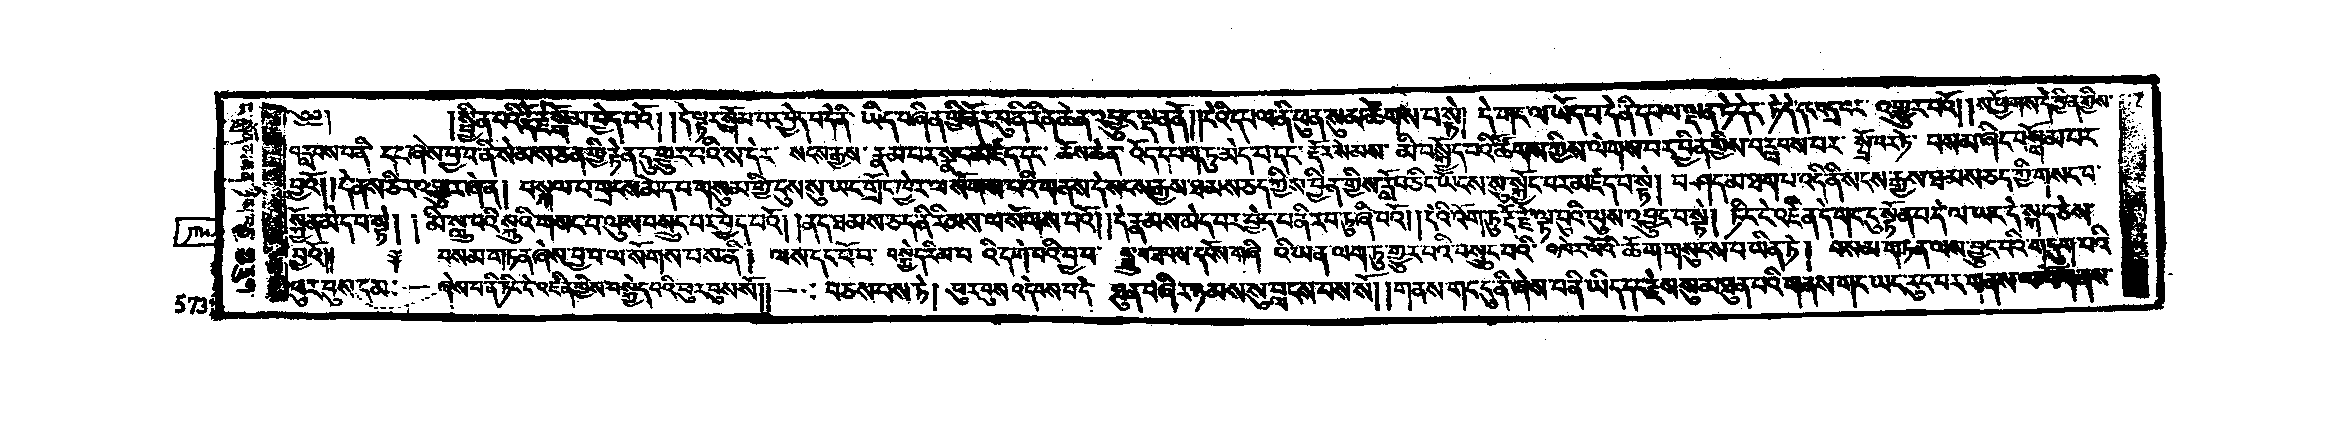༄༅། །སྦྱིན་པའི་རྡོ་རྗེ་སྒོམ་བྱེད་པའོ། །དེ་ལྟར་སྒོམ་པར་བྱེད་པ་དེ་ནི་ཡིད་བཞིན་གྱི་ནོར་བུ་ནི་རིན་ཆེན་འབྱུང་ལྡན་ནོ། །དེའི་དཔལ་ནི་ཕུན་སུམ་ཚོགས་པ་སྟེ། དེ་གང་ལ་ཡོད་པ་དེ་ནི་དཔལ་ལྡན་ཏེ་དེར་ཏེ་དེ་དང་འདྲ་བར་འགྱུར་བའོ། །ས་ཕྱོགས་དེ་བྱིན་གྱིས་
བརླབས་པ་ནི་དེར་ཞེས་བྱ་བ་ནི་སེམས་ཅན་གྱི་རྟེན་དུ་གྱུར་པའི་ས་དེར་སངས་རྒྱས་རྣམ་པར་སྣང་མཛད་དང་ཆོས་ཆེན་འོད་དཔག་ཏུ་མེད་པ་དང་རྡོར་སེམས་མི་བསྐྱོད་པའི་ཚོགས་ཀྱིས་ལེགས་པར་བྱིན་གྱིས་བརླབས་པར་སྤྲོ་བར་ཏེ་བསམ་ཞིང་བསྒོམ་པར་
བྱའོ། །དེ་ནས་ཅིར་འགྱུར་ཞེ་ན། བསྐལ་བ་གྲངས་མེད་པ་གསུམ་གྱི་དུས་སུ་ཡང་གྲོང་ཁྱེར་ལ་སོགས་པའི་གནས་དེ་སངས་རྒྱས་ཐམས་ཅད་ཀྱིས་བྱིན་གྱིས་རློབ་ཅིང་ཡོངས་སུ་སྐྱོང་བར་མཛད་པ་སྟེ། བཤད་མ་ཐག་པ་འདི་ནི་སངས་རྒྱས་ཐམས་ཅད་ཀྱི་གསང་བ་
སྐྱོན་མེད་པ་སྟེ། །མི་སླུ་བའི་སྐུའི་གསང་བ་ལུས་བསྲུང་བར་བྱེད་པའོ། །ནད་ཐམས་ཅད་ནི་རིམས་ལ་སོགས་པའོ། །དེ་རྣམས་མེད་པར་བྱེད་པ་ནི་རབ་ཏུ་ཞི་བའོ། །དེའི་འོག་ཏུ་རྡོ་རྗེ་ལྟ་བུའི་ལུས་འབྱུང་བ་སྟེ། ཏིང་ངེ་འཛིན་དེ་གང་དུ་སྟོན་པ་དེ་ལ་ཡང་དེ་སྐད་ཅེས་
བྱའོ།། ༈ བསམ་གཏན་ཞེས་བྱ་བ་ལ་སོགས་པས་ནི། ལས་དང་པོ་པ་བསྐྱེད་རིམ་པའི་དགེ་བའི་བྱ་བ་སྒྲུབ་ཐབས་དངོས་གཞིའི་ཡན་ལག་ཏུ་གྱུར་པའི་བསྲུང་བའི་འཁོར་ལོའི་ཆོ་ག་གསུངས་པ་ཡིན་ཏེ། བསམ་གཏན་ལས་བྱུང་བའི་གདུག་པའི་
ཕུར་བུས་དམ་H.་ཞེས་པ་ནི་ཏིང་ངེ་འཛིན་གྱིས་བསྐྱེད་པའི་ཕུར་བུས་སོ།།  .H བཅས་པས་ཏེ། ཕུར་བུས་འདེབས་པ་དེ་ཐུན་བཞིར་ཉམས་སུ་བླངས་པས་སོ། །གནས་གང་དུ་ནི་ཞེས་པ་ནི་ཡིད་དང་རྗེས་སུ་མཐུན་པའི་གནས་གང་ཡང་རུང་བར་གནས་ལ་འོག་ནས་